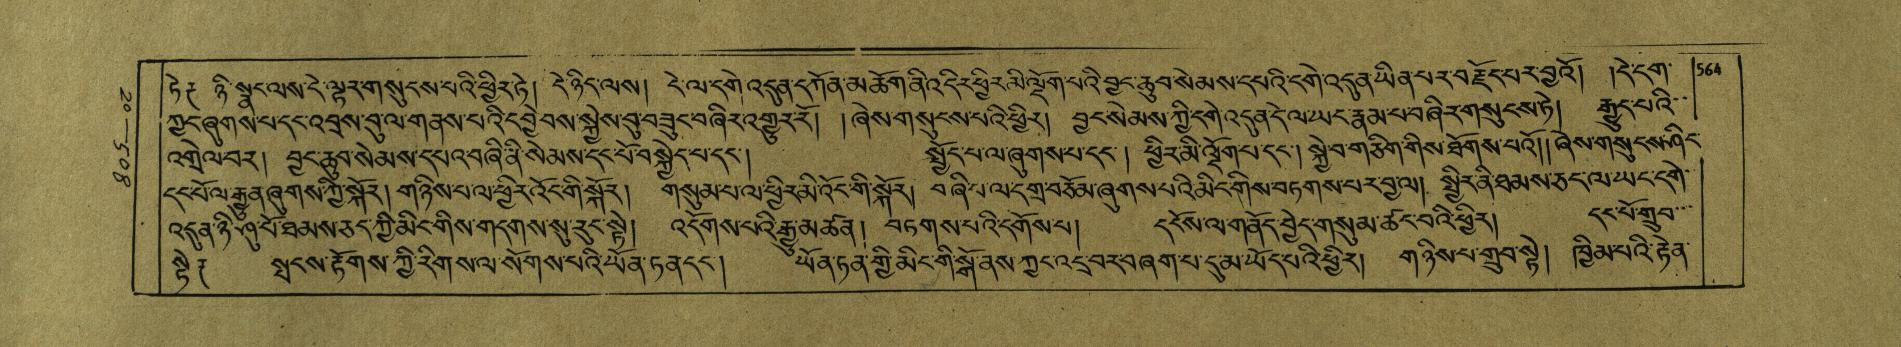ཏེ༑ ཉི་སྣང་ལས་དེ་ལྟར་གསུངས་པའི་ཕྱིར་ཏེ། དེ་ཉིད་ལས། དེ་ལ་དགེ་འདུན་དཀོན་མཆོག་ནི་འདིར་ཕྱིར་མི་ལྡོག་པའི་བྱང་ཆུབ་སེམས་དཔའི་དགེ་འདུན་ཡིན་པར་བརྗོད་པར་བྱའོ། །དེ་དག་
ཀྱང་ཞུགས་པ་དང་འབྲས་བུ་ལ་གནས་པའི་དབྱེ་བས་སྐྱེས་བུ་བཟུང་བཞིར་འགྱུར་རོ། །ཞེས་གསུངས་པའི་ཕྱིར། བྱང་སེམས་ཀྱི་དགེ་འདུན་དེ་ལ་ཡང་རྣམ་པ་བཞིར་གསུངས་ཏེ། རྒྱུད་པའི་
འགྲེལ་བར། བྱང་ཆུབ་སེམས་དཔའ་བཞི་ནི་སེམས་དང་པོ་བསྐྱེད་པ་དང་། སྤྱོད་པ་ལ་ཞུགས་པ་དང་། ཕྱིར་མི་ལྡོག་པ་དང་། སྐྱེ་བ་གཅིག་གིས་ཐོགས་པའོ། །ཞེས་གསུངས་ཤིང་
དང་པོ་ལ་རྒྱུན་ཞུགས་ཀྱི་སྐོར། གཉིས་པ་ལ་ཕྱིར་འོང་གི་སྐོར། གསུམ་པ་ལ་ཕྱིར་མི་འོང་གི་སྐོར། བཞི་པ་ལ་དགྲ་བཅོམ་ཞུགས་པའི་མིང་གིས་བཏགས་པར་བྱ་ལ། སྤྱིར་ནི་ཐམས་ཅད་ལ་ཡང་དགེ་
འདུན་ཉི་ཤུ་པོ་ཐམས་ཅད་ཀྱི་མིང་གིས་གདགས་སུ་རུང་སྟེ། འདོགས་པའི་རྒྱུ་མཚན། བཏགས་པའི་དགོས་པ། དངོས་ལ་གནོད་བྱེད་གསུམ་ཚང་བའི་ཕྱིར། དང་པོ་གྲུབ་
སྟེ༑ སྤང་རྟོགས་ཀྱི་རིགས་ལ་སོགས་པའི་ཡོན་ཏན་དང་། ཡོན་ཏན་གྱི་མིང་གི་སྒོ་ནས་ཀྱང་འདྲ་བར་བཞག་པ་དུ་མ་ཡོད་པའི་ཕྱིར། གཉིས་པ་གྲུབ་སྟེ། ཁྱིམ་པའི་རྟེན་